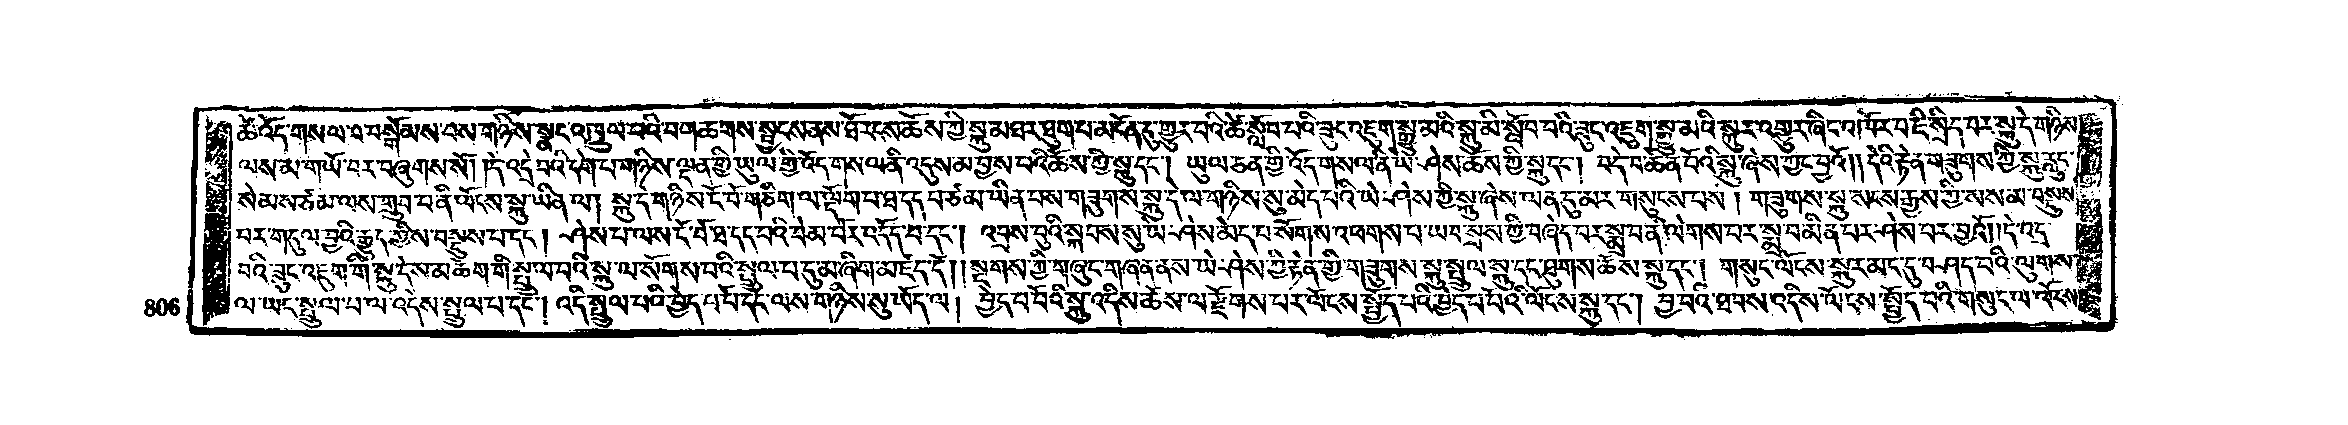ཚེ་འོད་གསལ་བ་བསྒོམས་པས་གཉིས་སྣང་འཁྲུལ་པའི་བག་ཆགས་སྦྱངས་ནས་ཐོ་རངས་ཆོས་ཀྱི་སྐུ་མཐར་ཐུག་པ་མངོན་དུ་གྱུར་པའི་ཚེ་སློབ་པའི་ཟུང་འཇུག་སྒྱུ་མའི་སྐུ་མི་སློབ་པའི་ཟུང་འཇུག་སྒྱུ་མའི་སྐུར་འགྱུར་ཞིང་འཁོར་བ་ཇི་སྲིད་བར་སྐུ་དེ་གཉིས་
ལས་མི་གཡེ་བར་བཞུགས་སོ། །དེ་འདྲ་བའི་དག་པ་གཉིས་ལྡན་གྱི་ཡུལ་གྱི་འོད་གསལ་ནི་འདུས་མ་བྱས་པའི་ཆོས་ཀྱི་སྐུ་དང་། ཡུལ་ཅན་གྱི་འོད་གསལ་ནི་ཡེ་ཤེས་ཆོས་ཀྱི་སྐུ་དང་། བདེ་བ་ཆེན་པོའི་སྐུ་ཞེས་ཀྱང་བྱའོ། །དེའི་རྟེན་གཟུགས་ཀྱི་སྐུ་རླུང་
སེམས་ཙམ་ལས་གྲུབ་པ་ནི་ལོངས་སྐུ་ཡིན་ལ། སྐུ་དེ་གཉིས་ངོ་བོ་གཅིག་ལ་ལྡོག་པ་ཐ་དད་པ་ཙམ་ཡིན་པས་གཟུགས་སྐུ་དེ་ལ་གཉིས་སུ་མེད་པའི་ཡེ་ཤེས་ཀྱི་སྐུ་ཞེས་ལན་དུ་མར་གསུངས་པས། གཟུགས་སྐུ་སངས་རྒྱས་ཀྱི་སས་མ་བསྡུས་
པར་གདུལ་བྱའི་རྒྱུད་ཀྱིས་བསྡུས་པ་དང་། ཤེས་པ་ལས་ངོ་བོ་ཐ་དད་པའི་བེམ་པོར་འདོད་པ་དང་། འབྲས་བུའི་སྐབས་སུ་ཡེ་ཤེས་མེད་པ་སོགས་འཕགས་པ་ཡབ་སྲས་ཀྱི་བཞེད་པར་སྨྲ་བ་ནི་ལེགས་པར་སྨྲ་བ་མིན་པར་ཤེས་པར་བྱའོ། །དེ་འདྲ་
བའི་ཟུང་འཇུག་གི་སྐུ་དེས་མཆོག་གི་སྤྲུལ་བའི་སྐུ་ལ་སོགས་པའི་སྤྲུལ་པ་དུ་མ་ཞིག་མཛད་དོ། །སྔགས་ཀྱི་གཞུང་གཞན་ནས་ཡེ་ཤེས་ཀྱི་རྟེན་གྱི་གཟུགས་སྐུ་སྤྲུལ་སྐུ་དང་ཐུགས་ཆོས་སྐུ་དང་། གསུང་ལོངས་སྐུར་མང་དུ་བཤད་པའི་ལུགས་
ལ་ཡང་སྤྲུལ་པ་ལ་འདིས་སྤྲུལ་པ་དང་། འདི་སྤྲུལ་བའི་བྱེད་པ་པོ་དང་ལས་གཉིས་སུ་ཡོད་ལ། བྱེད་པ་པོའི་སྐུ་འདིས་ཆོས་ལ་རྫོགས་པར་ལོངས་སྤྱོད་པའི་བྱེད་པ་པོའི་ལོངས་སྐུ་དང་། བྱ་བའི་ཐབས་འདིས་ལོངས་སྤྱོད་པའི་གསུང་ལ་ལོངས་